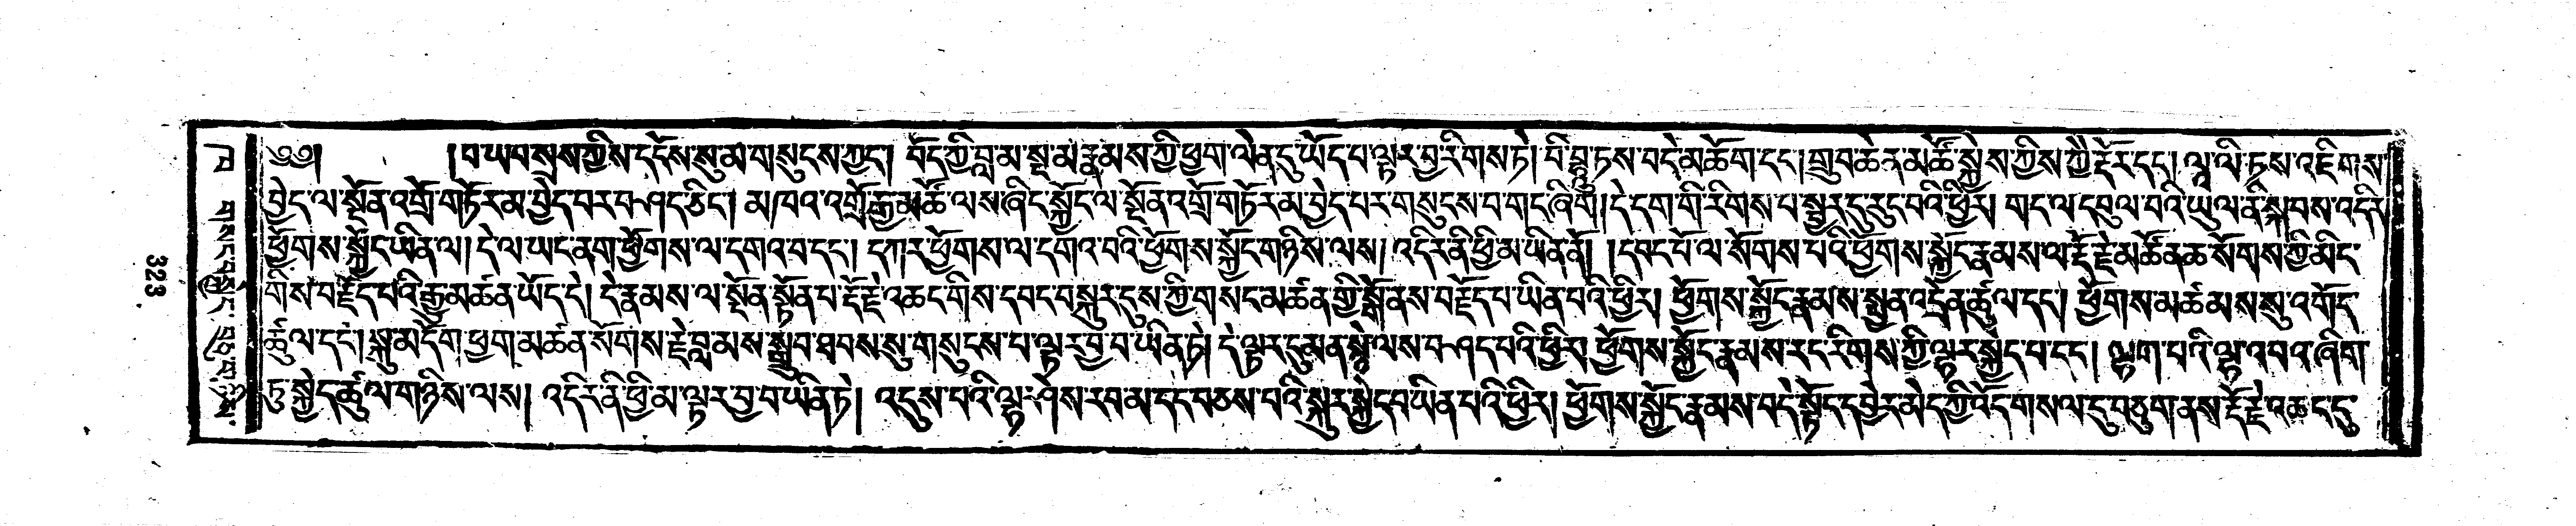༄༅། །བ་ཡབ་སྲས་ཀྱིས་དངོས་སུ་མ་གསུངས་ཀྱང་། བོད་ཀྱི་བླ་མ་སྔ་མ་རྣམས་ཀྱི་ཕྱག་ལེན་དུ་ཡོད་པ་ལྟར་བྱ་རིགས་ཏེ། བི་བྷཱུ་ཏས་བདེ་མཆོག་དང་། གྲུབ་ཆེན་མཚོ་སྐྱེས་ཀྱིས་ཀྱཻ་རྡོར་དང་། ལཱ་ལི་ཏས་འཇིགས་
བྱེད་ལ་སྔོན་འགྲོ་གཏོར་མ་བྱེད་པར་བཤད་ཅིང་། མཁའ་འགྲོ་རྒྱ་མཚོ་ལས་ཞིང་སྐྱོང་ལ་སྔོན་འགྲོ་གཏོར་མ་བྱེད་པར་གསུངས་པ་གང་ཞིག །དེ་དག་གི་རིགས་པ་སྦྱར་དུ་རུང་བའི་ཕྱིར། གང་ལ་དབུལ་བའི་ཡུལ་ནི་སྐབས་འདིར་
ཕྱོགས་སྐྱོང་ཡིན་ལ། དེ་ལ་ཡང་ནག་ཕྱོགས་ལ་དགའ་བ་དང་། དཀར་ཕྱོགས་ལ་དགའ་བའི་ཕྱོགས་སྐྱོང་གཉིས་ལས། འདིར་ནི་ཕྱི་མ་ཡིན་ནོ། །དབང་པོ་ལ་སོགས་པའི་ཕྱོགས་སྐྱོང་རྣམས་ལ་རྡོ་རྗེ་མཚོན་ཆ་སོགས་ཀྱི་མིང་
གིས་བརྗོད་པའི་རྒྱུ་མཚན་ཡོད་དེ། དེ་རྣམས་ལ་སྔོན་སྟོན་པ་རྡོ་རྗེ་འཆང་གིས་དབང་བསྐུར་དུས་ཀྱི་གསང་མཚན་གྱི་སྒོ་ནས་བརྗོད་པ་ཡིན་པའི་ཕྱིར། ཕྱོགས་སྐྱོང་རྣམས་སྤྱན་འདྲེན་ཚུལ་དང་། ཕྱོགས་མཚམས་སུ་འགོད་
ཚུལ་དང་། སྐུ་མདོག་ཕྱག་མཚན་སོགས་རྗེ་བླ་མས་སྒྲུབ་ཐབས་སུ་གསུངས་པ་ལྟར་བྱ་བ་ཡིན་ཏེ། དེ་ལྟར་དུ་མན་སྙེ་ལས་བཤད་པའི་ཕྱིར། ཕྱོགས་སྐྱོང་རྣམས་རང་རིགས་ཀྱི་ལྷར་སྐྱེད་པ་དང་། ལྷག་པའི་ལྷ་འབའ་ཞིག་
ཏུ་སྐྱེད་ཚུལ་གཉིས་ལས། འདིར་ནི་ཕྱི་མ་ལྟར་བྱ་བ་ཡིན་ཏེ། འདུས་པའི་ལྷ་ཤེས་རབ་མ་དང་བཅས་པའི་སྐུར་སྐྱེད་བ་ཡིན་པའི་ཕྱིར། ཕྱོགས་སྐྱོང་རྣམས་བདེ་སྟོང་དབྱེར་མེད་ཀྱི་འོད་གསལ་དུ་བཅུག་ནས་རྡོ་རྗེ་འཆང་དུ་